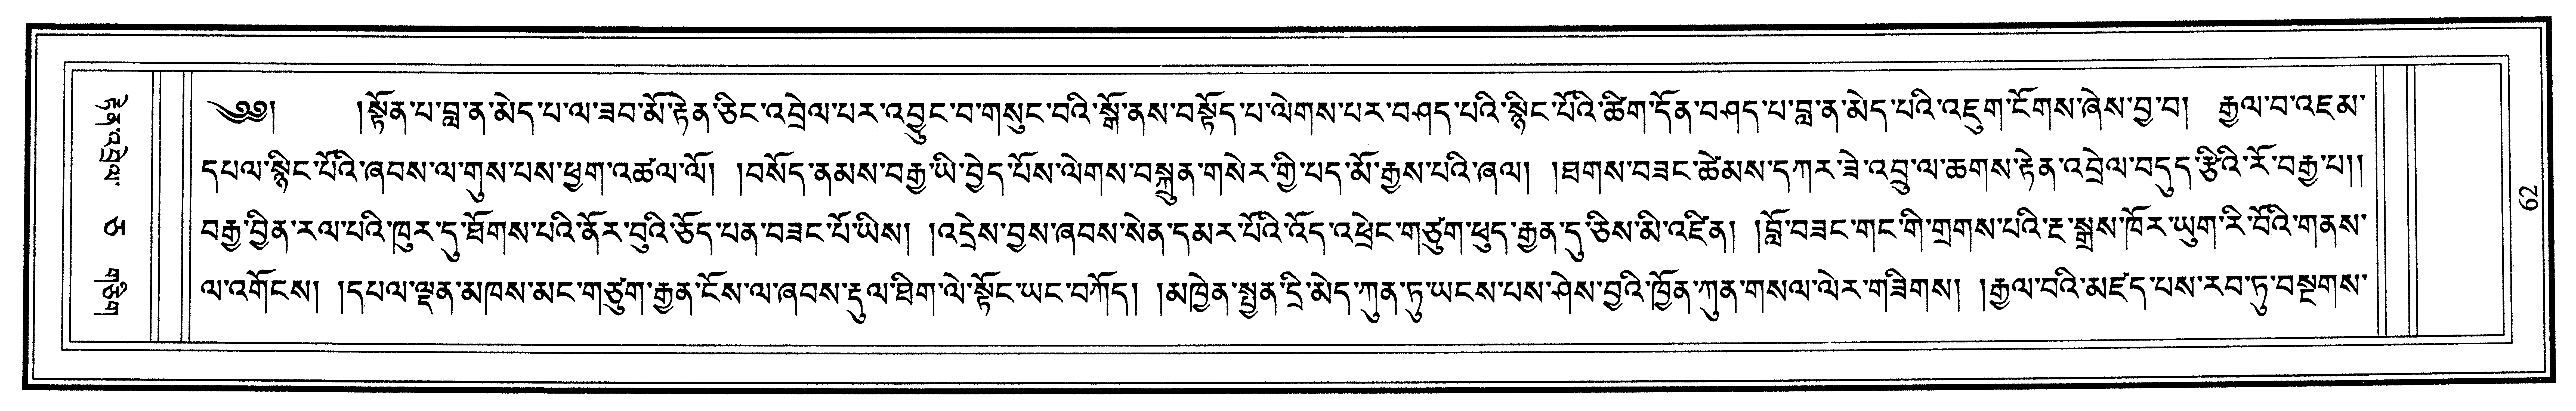༄༅། །སྟོན་པ་བླ་ན་མེད་པ་ལ་ཟབ་མོ་རྟེན་ཅིང་འབྲེལ་པར་འབྱུང་བ་གསུང་བའི་སྒོ་ནས་བསྟོད་པ་ལེགས་པར་བཤད་པའི་སྙིང་པོའི་ཚིག་དོན་བཤད་པ་བླ་ན་མེད་པའི་འཇུག་ངོགས་ཞེས་བྱ་བ། རྒྱལ་བ་འཇམ་
དཔལ་སྙིང་པོའི་ཞབས་ལ་གུས་པས་ཕྱག་འཚལ་ལོ། །བསོད་ནམས་བརྒྱ་ཡི་བྱེད་པོས་ལེགས་བསྐྲུན་གསེར་གྱི་པད་མོ་རྒྱས་པའི་ཞལ། །ཐགས་བཟང་ཚེམས་དཀར་ཟེ་འབྲུ་ལ་ཆགས་རྟེན་འབྲེལ་བདུད་རྩིའི་རོ་བརྒྱ་པ།།
བརྒྱ་བྱིན་རལ་པའི་ཁུར་དུ་ཐོགས་པའི་ནོར་བུའི་ཅོད་པན་བཟང་པོ་ཡིས། །འདྲེས་བྱས་ཞབས་སེན་དམར་པོའི་འོད་འཕྲེང་གཙུག་ཕུད་རྒྱན་དུ་ཅིས་མི་འཛིན། །བློ་བཟང་གང་གི་གྲགས་པའི་རྔ་སྒྲས་ཁོར་ཡུག་རི་བོའི་གནས་
ལ་འགོངས། །དཔལ་ལྡན་མཁས་མང་གཙུག་རྒྱན་ངོས་ལ་ཞབས་རྡུལ་ཐིག་ལེ་སྟོང་ཡང་བཀོད། །མཁྱེན་སྤྱན་དྲི་མེད་ཀུན་ཏུ་ཡངས་པས་ཤེས་བྱའི་ཁྱོན་ཀུན་གསལ་ལེར་གཟིགས། །རྒྱལ་བའི་མཛད་པས་རབ་ཏུ་བསྔགས་